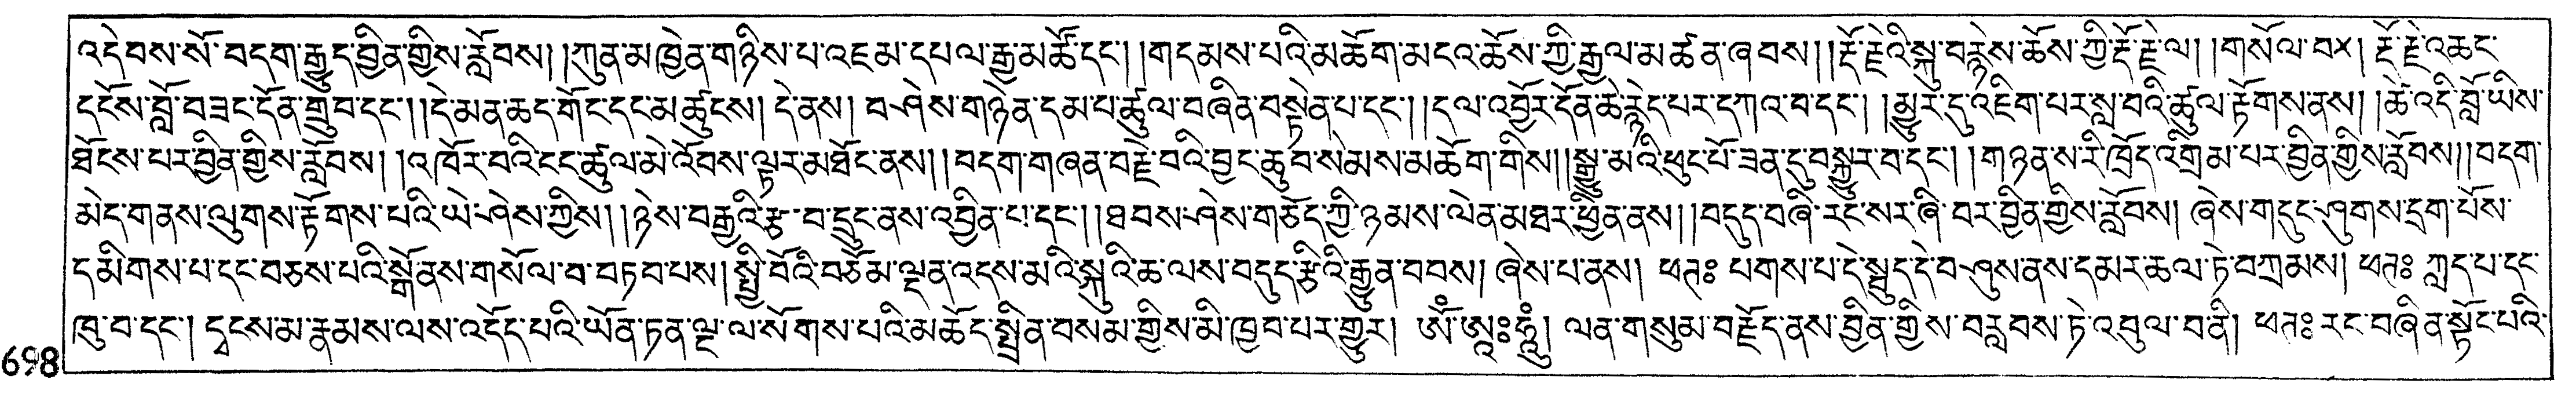འདེབས་སོ་བདག་རྒྱུད་བྱིན་གྱིས་རློབས། །ཀུན་མཁྱེན་གཉིས་པ་འཇམ་དཔལ་རྒྱ་མཚོ་དང་། །གདམས་པའི་མཆོག་མངའ་ཆོས་ཀྱི་རྒྱལ་མཚན་ཞབས། །རྡོ་རྗེའི་སྐུ་བརྙེས་ཆོས་ཀྱི་རྡོ་རྗེ་ལ། །གསོལ་བ་྾། རྡོ་རྗེ་འཆང་
དངོས་བློ་བཟང་དོན་གྲུབ་དང་། །དེ་མན་ཆད་གོང་དང་མཚུངས། དེ་ནས། བཤེས་གཉེན་དམ་པ་ཚུལ་བཞིན་བསྟེན་པ་དང་། །དལ་འབྱོར་དོན་ཆེ་རྙེད་པར་དཀའ་བ་དང་། །མྱུར་དུ་འཇིག་པར་སླ་བའི་ཚུལ་རྟོགས་ནས། །ཚེ་འདི་བློ་ཡིས་
ཐོངས་པར་བྱིན་གྱིས་རློབས། །འཁོར་བའི་ངང་ཚུལ་མེ་འོབས་ལྟར་མཐོང་ནས། །བདག་གཞན་བརྗེ་བའི་བྱང་ཆུབ་སེམས་མཆོག་གིས། །སྒྱུ་མའི་ཕུང་པོ་ཟན་དུ་བསྐྱུར་བ་དང་། །གཉན་ས་རི་ཁྲོད་འགྲིམ་པར་བྱིན་གྱིས་རློབས། །བདག་
མེད་གནས་ལུགས་རྟོགས་པའི་ཡེ་ཤེས་ཀྱིས། །ཉེས་བརྒྱའི་རྩ་བ་དྲུང་ནས་འབྱིན་པ་དང་། །ཐབས་ཤེས་གཅོད་ཀྱི་ཉམས་ལེན་མཐར་ཕྱིན་ནས། །བདུད་བཞི་རང་སར་ཞི་བར་བྱིན་གྱིས་རློབས། ཞེས་གདུང་ཤུགས་དྲག་པོས་
དམིགས་པ་དང་བཅས་པའི་སྒོ་ནས་གསོལ་བ་བཏབ་པས། སྤྱི་བོའི་བཅོམ་ལྡན་འདས་མའི་སྐུའི་ཆ་ལས་བདུད་རྩིའི་རྒྱུན་བབས། ཞེས་པ་ནས། ཕཊཿ པགས་པ་དེ་སྦུད་དེ་བཤུས་ནས་དམར་ཆལ་ཏེ་བཀྲམས། ཕཊཿ ཀླད་པ་དང་
ཁུ་བ་དང་། དྭངས་མ་རྣམས་ལས་འདོད་པའི་ཡོན་ཏན་ལྔ་ལ་སོགས་པའི་མཆོད་སྤྲིན་བསམ་གྱིས་མི་ཁྱབ་པར་གྱུར། ཨོཾ་ཨཱཿ ཧཱུཾ། ལན་གསུམ་བརྗོད་ནས་བྱིན་གྱིས་བརླབས་ཏེ་འབུལ་བ་ནི། ཕཊཿ རང་བཞིན་སྟོང་པའི་